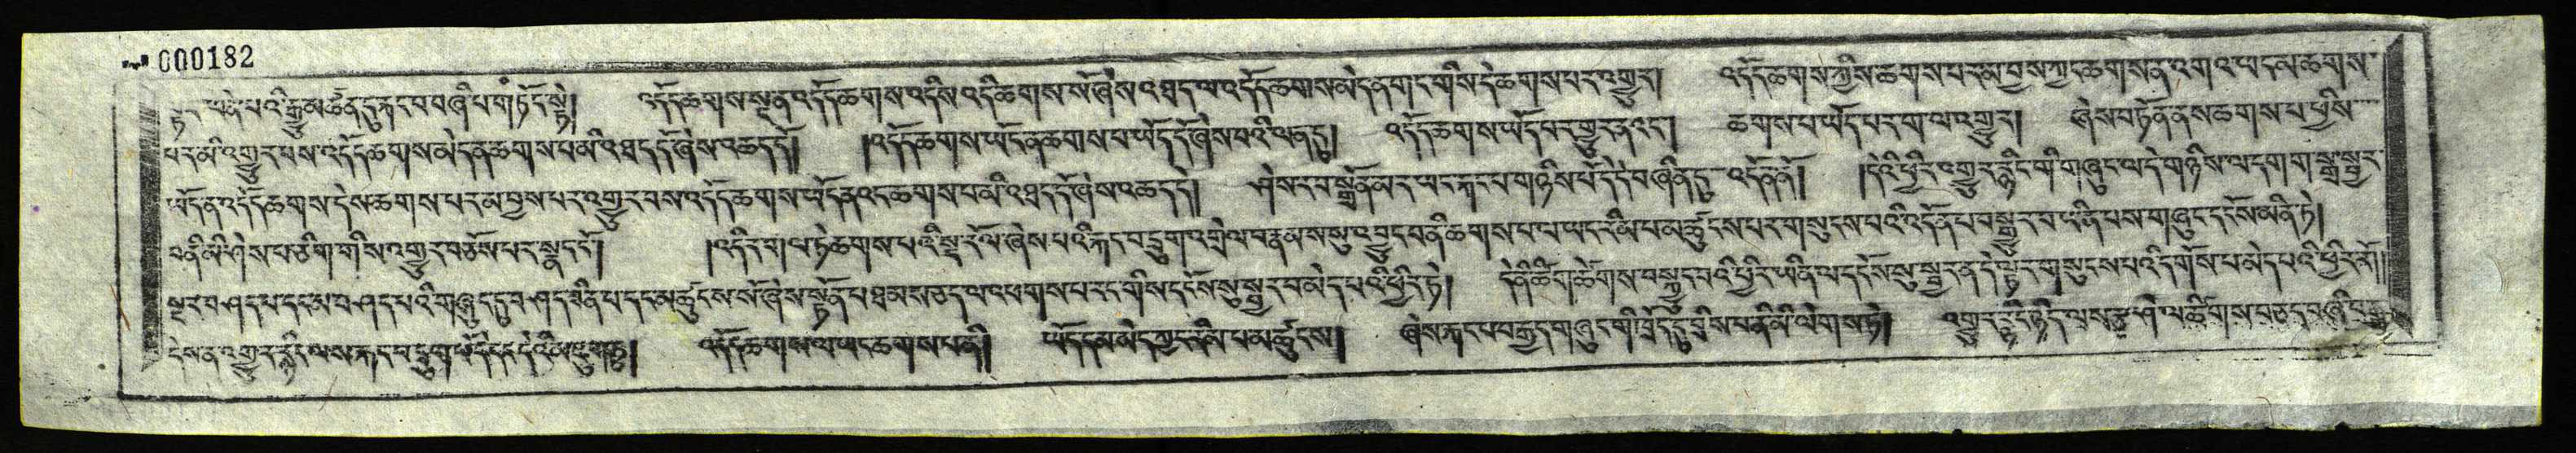ལྟར་ཡིན་པའི་རྒྱུ་མཚན་དུ་རྐང་པ་བཞི་པ་གཏོང་སྟེ། འདོད་ཆགས་སྔ་ན་འདོད་ཆགས་འདིས་འདི་ཆགས་སོ་ཞེས་འཐད་ལ་འདོད་ཆགས་མེད་ན་གང་གིས་དེ་ཆགས་པར་འགྱུར། འདོད་ཆགས་ཀྱིས་ཆགས་པར་མ་བྱས་ཀྱང་ཆགས་ན་འགའ་ཡང་མ་ཆགས་
པར་མི་འགྱུར་པས་འདོད་ཆགས་མེད་ན་ཆགས་པ་མི་འཐད་དོ་ཞེས་འཆད་དོ། །འདོད་ཆགས་ཡོད་ན་ཆགས་པ་ཡོད་དོ་ཞེས་པའི་ལན་དུ། འདོད་ཆགས་ཡོད་པར་གྱུར་ནའང་། ཆགས་པ་ཡོད་པར་ག་ལ་འགྱུར། ཞེས་བཏོན་ནས་ཆགས་པ་ཕྱིས་
ཡོད་ན་འདོད་ཆགས་དེས་ཆགས་པར་མ་བྱས་པར་འགྱུར་བས་འདོད་ཆགས་ཡོད་ནའང་ཆགས་པ་མི་འཐད་དོ་ཞེས་འཆད་དོ། ཤེས་རབ་སྒྲོན་མར་ཡང་རྐང་པ་གཉིས་པོ་དེ་དེ་བཞིན་དུ་འདོན་ནོ། །དེའི་ཕྱིར་འགྱུར་རྙིང་གི་གཞུང་ལ་དེ་གཉིས་ལ་དགག་སྒྲ་སྦྱར་
བ་ནི་མི་ཤེས་པ་ཅིག་གིས་འགྱུར་བཅོས་པར་སྣང་ངོ། །འདིར་གལ་ཏེ་ཆགས་པའི་སྔ་རོལ་ཞེས་པའི་རྐང་པ་དྲུག་འགྲེལ་བ་རྣམས་སུ་འབྱུང་བ་ནི་ཆགས་པ་ལ་ཡང་རིམ་པ་མཚུངས་པར་གསུངས་པའི་འདོན་པ་བསྒྱུར་བ་ཡིན་པས་གཞུང་དངོས་མིན་ཏེ།
སྔར་བཤད་པ་དང་མ་བཤད་པའི་གཞུང་དུ་བཤད་ཟིན་པ་དང་མཚུངས་སོ་ཞེས་སྟོན་པ་ཐམས་ཅད་ལ་འཕགས་པ་རང་གིས་དངོས་སུ་སྦྱར་བ་མེད་པའི་ཕྱིར་ཏེ། དེ་ནི་ཚིག་ཚོགས་བསྒྱུར་བའི་ཕྱིར་ཡིན་ལ་དངོས་སུ་སྦྱར་ན་དེ་ལྟར་གསུངས་པའི་དགོས་པ་མེད་པའི་ཕྱིར་རོ།།
དེས་ན་འགྱུར་རྙིང་ལས་རྐང་པ་དྲུག་པོ་དེ་དང་དེའི་མཇུག་ཏུ། འདོད་ཆགས་ལ་ཡང་ཆགས་པ་ནི། ཡོད་དམ་མེད་ཀྱང་ནི་མ་པ་མཚུངས། ཞེས་རྐང་པ་བརྒྱད་གཞུང་གི་ཁྲོད་དུ་བྲིས་པ་ནི་མི་ལེགས་ཏེ། འགྱུར་རྙིང་ཉིད་ལས་རྩ་ཤི་ལ་ཚིགས་བཅད་བཞི་བརྒྱ་